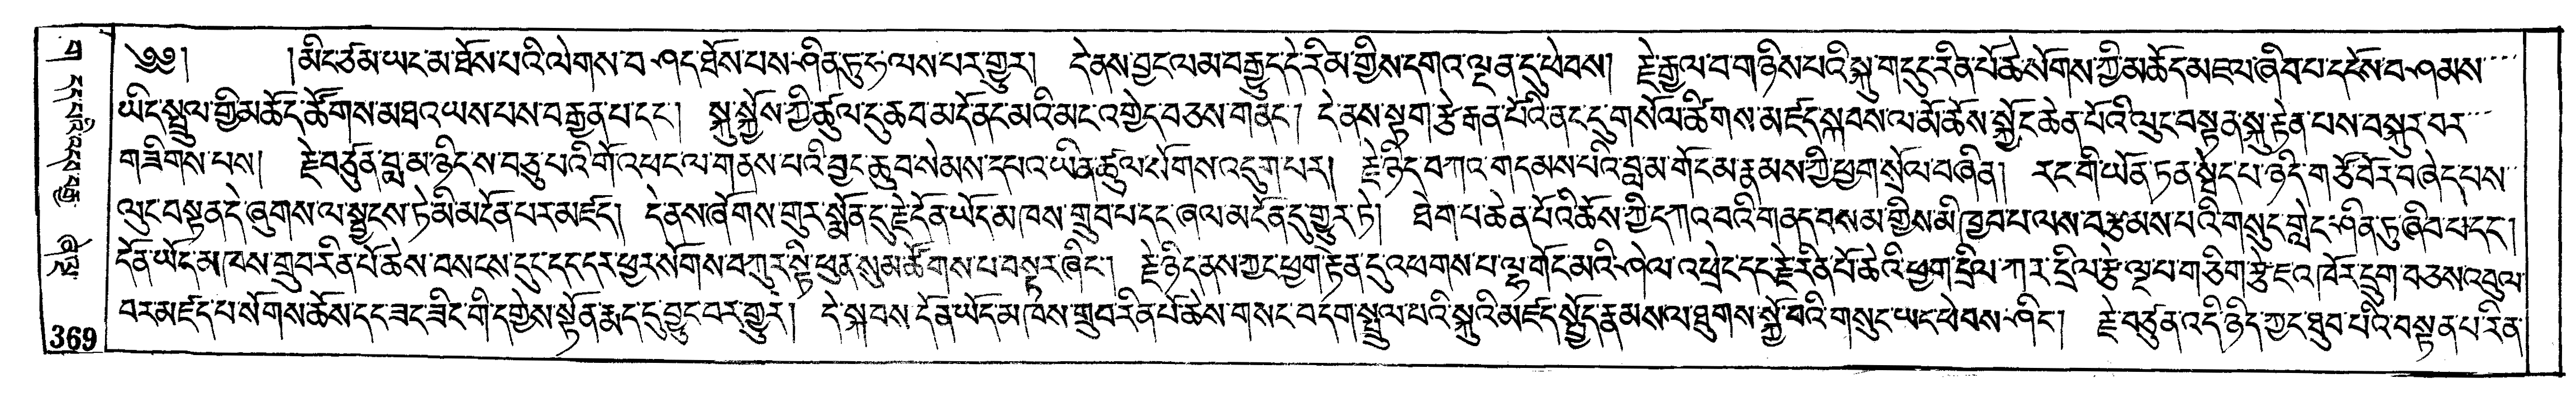༄༅། །མིང་ཙམ་ཡང་མ་ཐོས་པའི་ལེགས་བཤད་ཐོས་བས་ཤིན་ཏུ་ཧ་ལས་པར་གྱུར། དེ་ནས་བྱང་ལམ་བརྒྱུད་དེ་རིམ་གྱིས་དགའ་ལྡན་དུ་ཕེབས། རྗེ་རྒྱལ་བ་གཉིས་པའི་སྐུ་གདུང་རིན་པོ་ཆེ་སོགས་ཀྱི་མཆོད་མཇལ་ཞིབ་བ་དངོས་བཤམས་
ཡིད་སྤྲུལ་གྱི་མཆོད་ཚོགས་མཐའ་ཡས་པས་བརྒྱན་པ་དང་། སྐུ་སྐྱོས་ཀྱི་ཚུལ་དུ་ཆབ་མདོ་ནང་མའི་མང་འགྱེད་བཅས་གནང་། དེ་ནས་སྟག་རྩེ་རྒན་པོའི་ནང་དུ་གསོལ་ཚིགས་མཛད་སྐབས་ལ་མོ་ཆོས་སྐྱོང་ཆེན་པོའི་ལུང་བསྟན་སྐུ་རྟེན་པས་བསྐུར་བར་
གཟིགས་པས། རྗེ་བཙུན་བླ་མ་ཉིད་ས་བཅུ་པའི་གོ་འཕང་ལ་གནས་པའི་བྱང་ཆུབ་སེམས་དཔའ་ཡིན་ཚུལ་སོགས་འདུག་པར། རྗེ་ཉིད་བཀའ་གདམས་པའི་བླ་མ་གོང་མ་རྣམས་ཀྱི་ཕྱག་སྲོལ་བཞིན། རང་གི་ཡོན་ཏན་སྦེད་པ་ཉིད་གཙོ་བོར་བཞེང་པས་
ལུང་བསྟན་དེ་ཞུགས་ལ་སྦྱངས་ཏེ་མི་མངོན་པར་མཛད། དེ་ནས་ཞོགས་གུར་སྨོན་དུ་རྗེ་དོན་ཡོད་མཁས་གྲུབ་པ་དང་ཞལ་མངོན་དུ་གྱུར་ཏེ། ཐེག་པ་ཆེན་པོའི་ཆོས་ཀྱི་དཀའ་བའི་གནད་བསམ་གྱིས་མི་ཁྱབ་པ་ལས་བརྩམས་པའི་གསུང་གླེང་ཤིན་ཏུ་ཞིབ་པ་དང་།
དོན་ཡོད་མཁས་གྲུབ་རིན་པོ་ཆེས་བསངས་དུང་དང་དར་ཕྱར་སོགས་བཀུར་སྟི་ཕུན་སུམ་ཚོགས་པ་བསྟར་ཞིང་། རྗེ་ཉིད་ནས་ཀྱང་ཕྱག་རྟེན་དང་འཕགས་པ་ལྷ་གོང་མའི་ཤེལ་འཕྲེང་དང་རྗེ་རིན་པོ་ཆེའི་ཕྱག་དྲིལ་ཀང་དྲའི་རྩེ་ལྔ་པ་གཅིག་རྩེ་ཇ་འཁོར་དྲུག་བཅས་འབུལ་
བར་མཛད་པ་སོགས་ཆོས་དང་ཟང་ཟིང་གི་དགྱེས་སྟོན་རྨད་དུ་བྱུང་བར་གྱུར། དེ་སྐབས་དོན་ཡོད་མཁས་གྲུབ་རིན་པོ་ཆེས་གསང་བདག་སྤྲུལ་བའི་སྐུའི་མཛད་སྦྱོང་རྣམས་ལ་ཐུགས་སྐྱོ་བའི་གསུང་ཡང་ཕེབས་ཤིང་། རྗེ་བཙུན་འདི་ཉིད་ཀྱང་ཐུབ་པའི་བསྟན་པ་རིན་